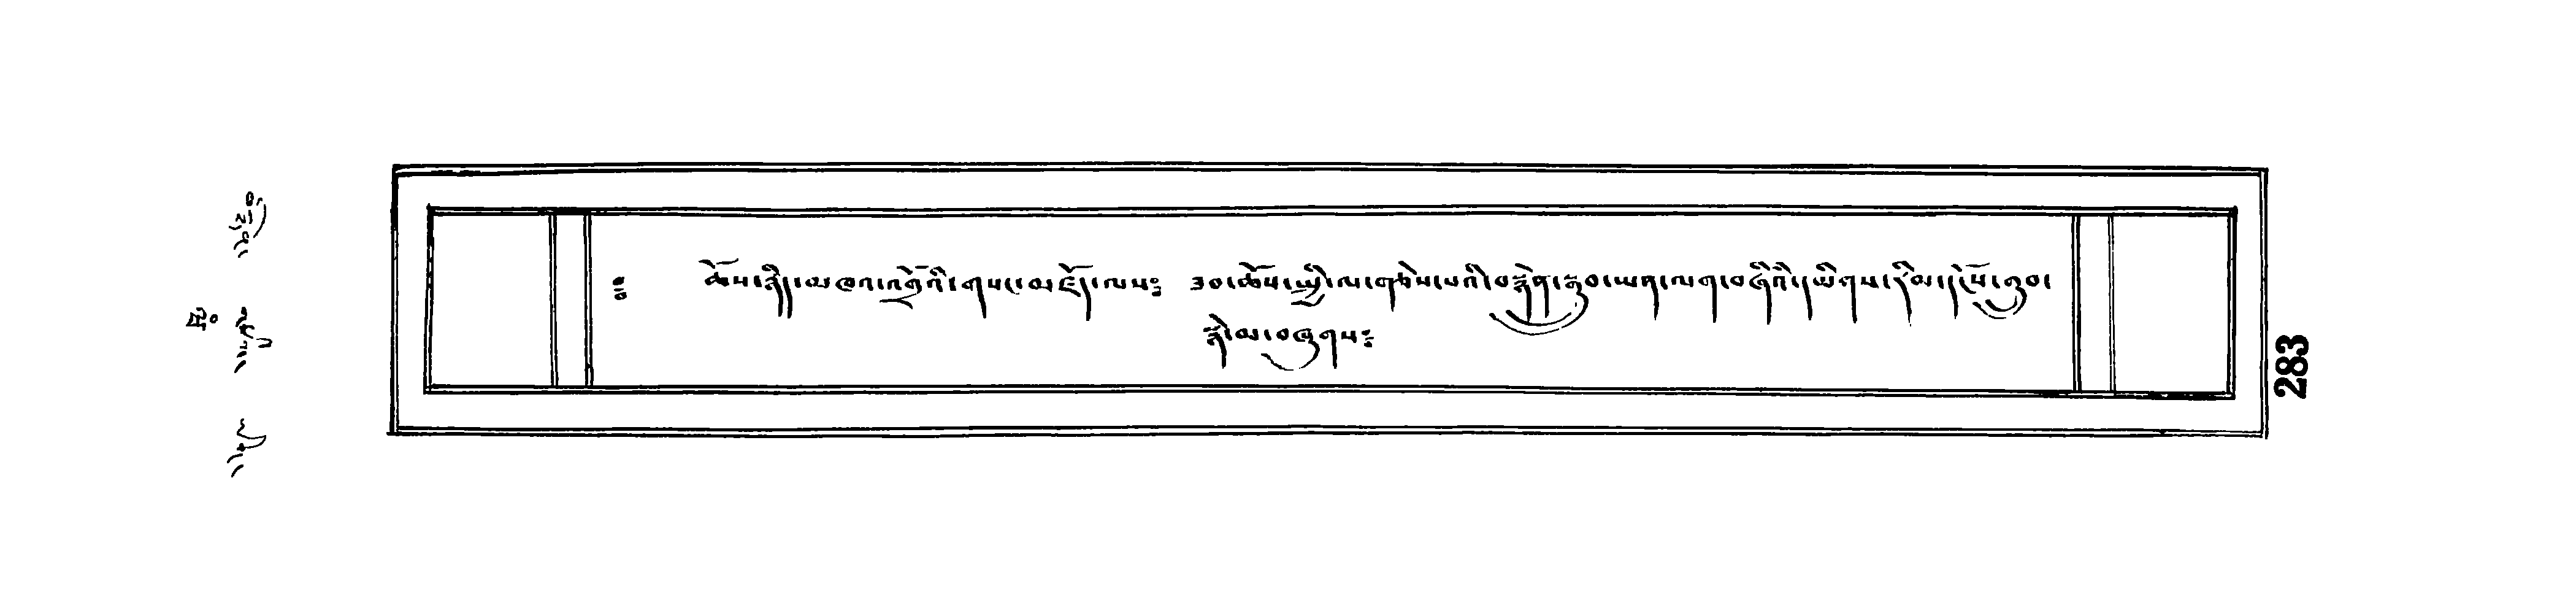ཆོས་ཉིད་མཁའ་འགྲོའི་གསང་མཛོད་ལས༔ ཟབ་ཆོས་སྤྱི་ལ་གཅེས་པའི་བསྙེན་སྒྲུབ་ཡན་ལག་བཞིའི་དམིགས་རིམ་དངོས་གྲུབ་
སྙེ་མ་བཞུགས༔